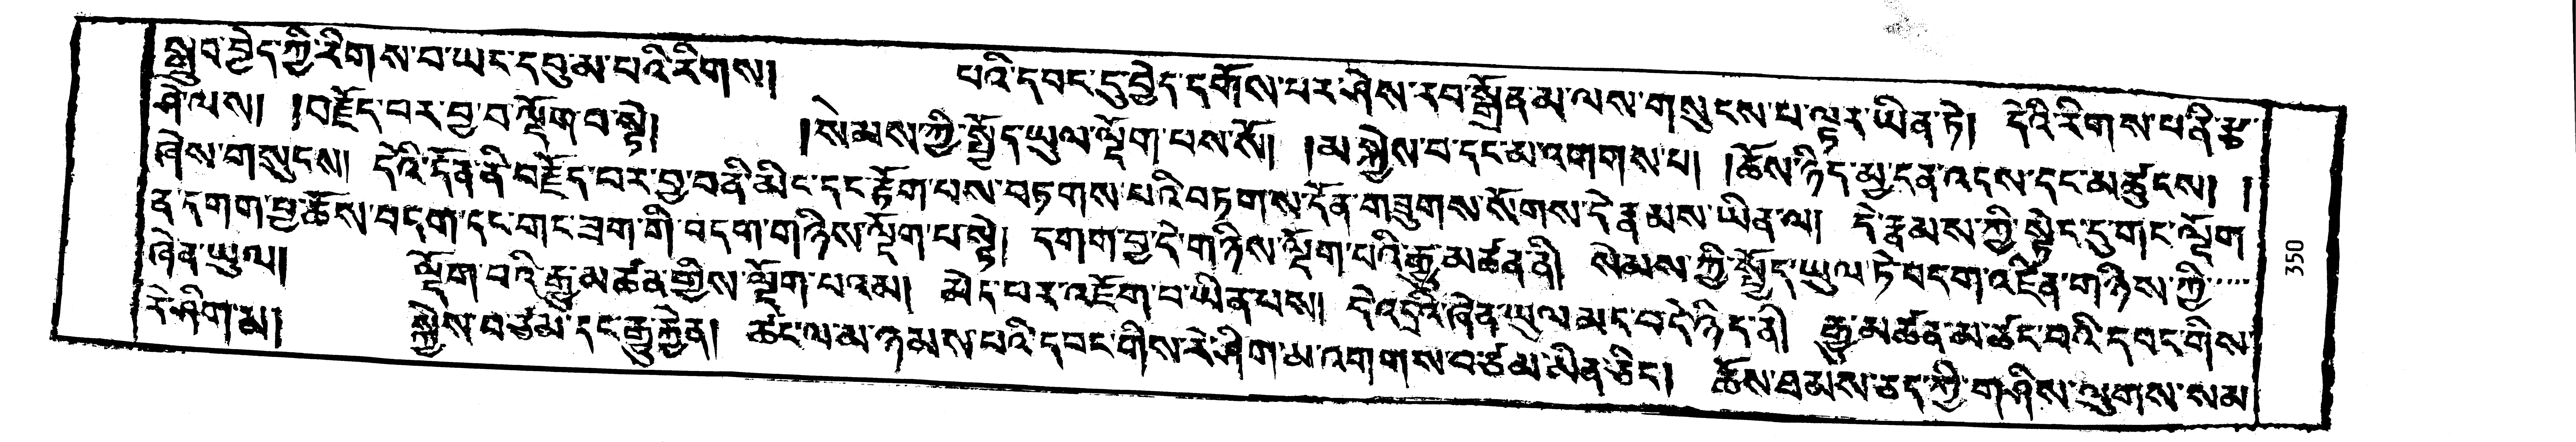སྒྲུབ་བྱེད་ཀྱི་རིགས་བ་ཡང་དབུ་མ་པའི་རིགས། པའི་དབང་དུ་བྱེད་དགོས་པར་ཤེས་རབ་སྒྲོན་མ་ལས་གསུངས་པ་ལྟར་ཡིན་ཏེ། དེའི་རིགས་པ་ནི་རྩ་
ཤེ་ལས། །བརྗོད་བར་བྱ་བ་ལྡོག་པ་སྟེ། །སེམས་ཀྱི་སྤྱོད་ཡུལ་ལྡོག་པས་སོ། །མ་སྐྱེས་བ་དང་མ་འགགས་པ། །ཆོས་ཉིད་མྱ་ངན་འདས་དང་མཚུངས། །
ཞེས་གསུངས། དེའི་དོན་ནི་བརྗོད་བར་བྱ་བ་ནི་མིང་དང་རྟོག་པས་བཏགས་པའི་བཏགས་དོན་གཟུགས་སོགས་དེ་རྣམས་ཡིན་ལ། དེ་རྣམས་ཀྱི་སྟེང་དུ་གང་ལྡོག་
ན་དགག་བྱ་ཆོས་བདག་དང་གང་ཟག་གི་བདག་གཉིས་ལྡོག་པ་སྟེ། དགག་བྱ་དེ་གཉིས་ལྡོག་པའི་རྒྱུ་མཚན་ནི། སེམས་ཀྱི་སྤྱོད་ཡུལ་ཏེ་བདག་འཛིན་གཉིས་ཀྱི་
ཞེན་ཡུལ། ལྡོག་བའི་རྒྱུ་མཚན་གྱིས་ལྡོག་པའམ། མེད་པར་འཇོག་པ་ཡིན་པས། དེ་འདྲའི་ཞེན་ཡུལ་མང་བ་དེ་ཉིད་ནི། རྒྱུ་མཚན་མ་ཚང་བའི་དབང་གིས་
རེ་ཤིག་མ། སྐྱེས་བ་ཙམ་དང་རྒྱུ་རྐྱེན། ཚང་ལ་མ་ཉམས་པའི་དབང་གིས་རེ་ཤིག་མ་འགགས་བ་ཙམ་མིན་ཅིང་། ཆོས་ཐམས་ཅད་ཀྱི་གཤིས་ལུགས་སམ་